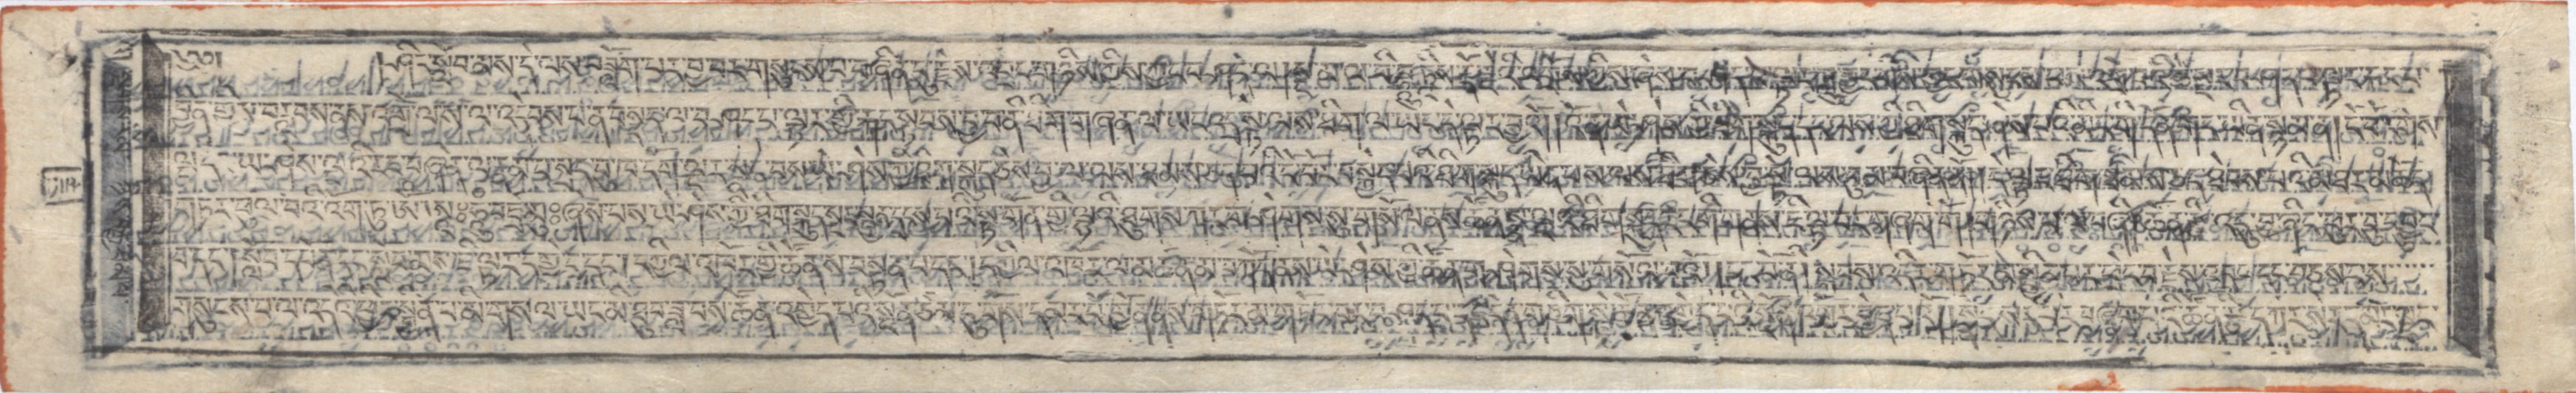༄༅། །ཤིང་སློབ་མས་དེ་ལས་བཟློག་པར་བྱ་བར་གསུངས་པ་བཞིན་དུ་རྗེས་འབྲང་གཉིས་ཀྱིས་ཀྱང་བཤད་ལ། སྔ་མ་ལ་བི་བྷཱུ་ཏཱིས་རྡོ་རྗེའི་འགྲོས་ཀྱིས་ཞེས་བཤད་པ་ལྟར་ཀླུ་བྱང་གིས་ཀྱང་གསུངས་པས་འགྲོ་བའི་ཚེ་སྔར་བཤད་པ་ལྟར་རྐང་པ་
བྱིན་གྱིས་བརླབས་ནས་འགྲོ་ལ་ས་ལ་འདེབས་པ་ན་བསྡད་ལ་བཤད་པ་ལྟར་གྱི་རྐང་སྟབས་བྱ་བ་ནི་ཐིག་གཞན་ལ་ཡང་འདྲ་སྟེ་ལས་ཐིག་ལ་ཡང་དེ་ལྟར་བྱའོ། །འོ་ན་ཡེ་ཤེས་ཀྱི་ཐིག་སྐུད་དང་ལས་ཀྱི་ཐིག་སྐུད་ཞེས་པའི་མིང་གི་དོན་གང་ཡིན་སྙམ་ན། ངོ་བོ་དགོས་
ལྔ་དང་ཡེ་ཤེས་ལྔའི་རང་བཞིན་ལ་རྣམ་པ་སྲད་བུ་ཁ་དོག་ལྔར་སྣང་བས་ཡེ་ཤེས་ཀྱི་ཐིག་སྐུད་ཅེས་བྱ་ལ་ལས་ཐམས་ཅད་བའི་ངོ་བོར་བསྐྱེད་པའི་ཐིག་སྐུད་ཡིན་པས་ལས་ཐིག་ཅེས་བྱ་སྟེ་ལས་བུམ་བཞིན་ནོ། །དེ་ལྟར་ཐིག་ཐམས་ཅད་ཐེབས་པའི་མཐར་མཆོད་
གཏོར་ཕུལ་བའི་འོག་ཏུ་ཨོཾ་ཨཱཿ ཧཱུཾ་བཛྲ་མུཿ ཞེས་པས་ཡེ་ཤེས་ཀྱི་ཐིག་སྐུད་སྔར་སྤྱན་དྲངས་པའི་སྟ་གོན་གྱི་ལྷའི་ཐུགས་ཀར་གཤེགས་སུ་གསོལ་ནས་ཚོན་སྣ་ལྔའི་ཐིག་སྐུད་རང་གི་གནས་ཇི་ལྟ་བར་གཞག་གོ །གཉིས་པ་ལ་བཞི། ཚོན་རྩི་འདུ་བྱ་ཞིང་ཕུར་བུ་དབྱུང་
བ་དང་། སློབ་དཔོན་དང་སློབ་མས་ཇི་ལྟར་དགྱེད་དང་། དཀྱིལ་འཁོར་གྱི་ཚོན་ས་བསྟན་པ་དང་། དཀྱིལ་འཁོར་ལ་མཚན་མ་བཀོད་ནས་ཡེ་ཤེས་ཀྱི་ཚོན་གཤེགས་སུ་གསོལ་བའོ། །དང་པོ་ནི། སྐབས་འདིར་གཏོར་མ་སྦྱིན་པར་ཕྲེང་བ་རྗེས་འབྲང་དང་བཅས་པས་
གསུངས་པ་ལ་འདིའི་ཕྱིར་སྦྱིན་པ་མི་གསལ་ཡང་མི་ཐུབ་ཟླ་བས་ཚོན་འགྱེད་པའི་སྔོན་ཙམ་དུ་གོས་དམར་པོ་གྱོན་ནས་གཏོར་མ་གཏོང་བར་བཤད་པ་དང་དོན་གཅིག་སྟེ་ཚོན་འགྱེད་པའི་སྔོན་འགྲོར་བྱེད་པའོ། །སྣོད་སར་པར་བཞག་པའི་ཚོན་རྩི་དཀར་སེར་དམར་ལྗང་